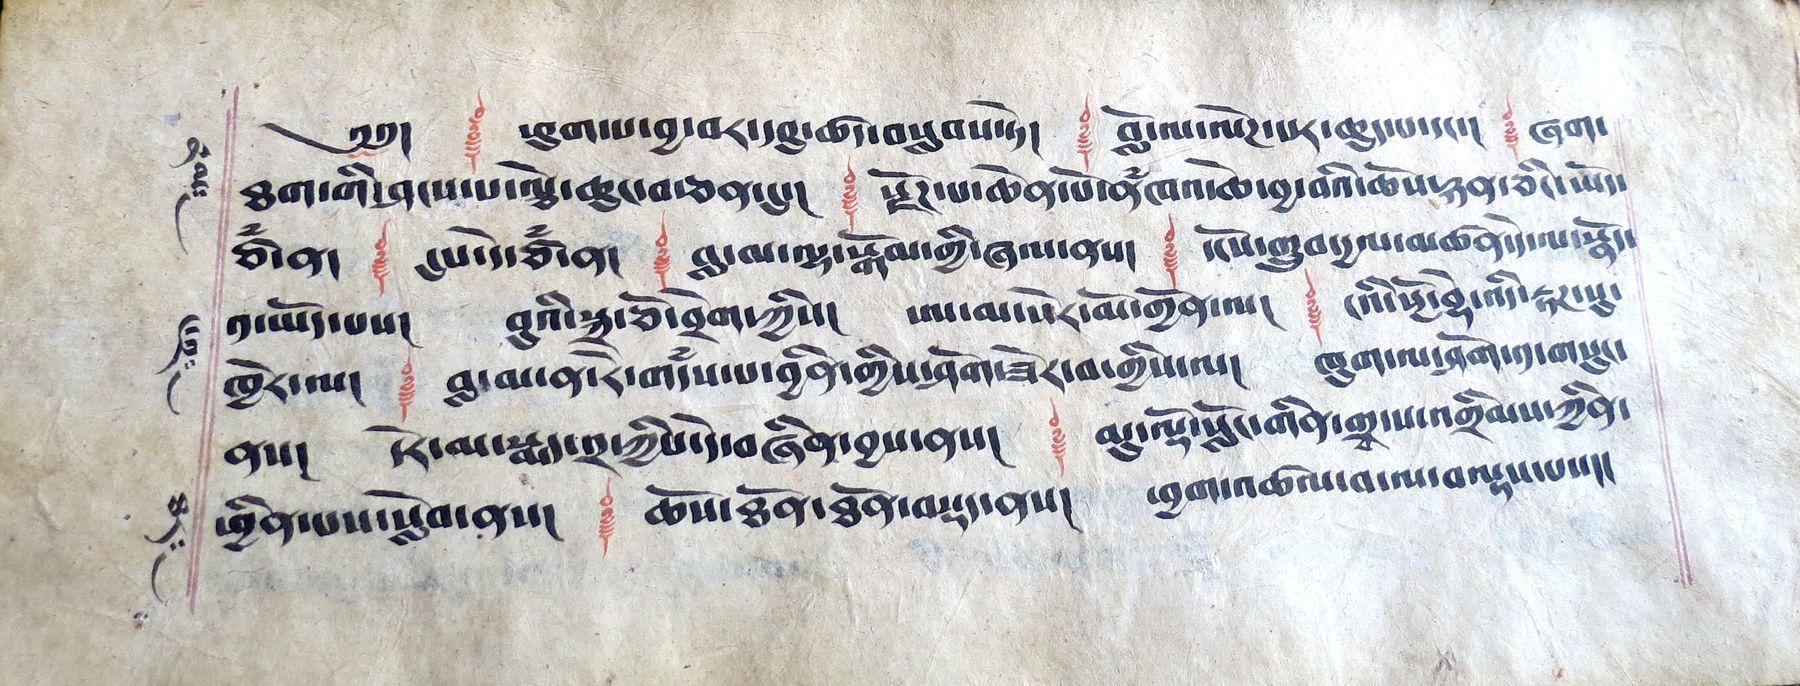ཕུག་པ་བྱ་བར་དབུ་ཚད་བསླབ་སྟེ། བློ་ལ་ལེགས་པར་ཆུད་པ་དང་། ཞག་
ཐག་གི་ཤངས་པ་ལྕེ་ཆུང་བ་ཅན་དུ། རྫོགས་པ་ཆེན་པོ་ནམ་མཁའ་ཆེ་བྱ་བའི་ཆོས་ཉན་ཞིང་ཡོད་
ཙམ་ན། དུས་དེ་ཙམ་ན། བླ་མ་ལྷ་སྒོམ་གྱིས་ཞལ་ནས། དངོས་གྲུབ་རྒྱལ་མཚན་དེ་ལ་སྣོད་
ཅིག་ཡོད་པས། བུའི་སྐྲ་ཅོ་བྲེགས་གྱིས། ཨ་མས་སེར་མོ་གྱོན་ལ། ངའི་སྔོ་བེམ་འདི་རྟགས་སུ་
ཁྱེར་ལ། བླ་མས་ན་རེ་གདམས་པ་བྱིན་གྱི་ཤོག་ཟེར་བ་གྱིས་ལ་ཁུག་ལ་ཤོག་ཅིག་གསུངས་
ནས། དེར་མ་སྨད་གཉིས་ཀྱིས་དེ་བཞིན་བྱས་ནས། མུ་ལྟོ་སློང་གིན་གྲྭ་ས་འགྲིམས་ཀྱིན་
ཕྱིན་པས་སླེབས་ནས། ཆོས་ཐོན་ཐོན་བསྡད་ནས་ཕྱག་འཚལ་བ་ལ་བལྟས་པས།